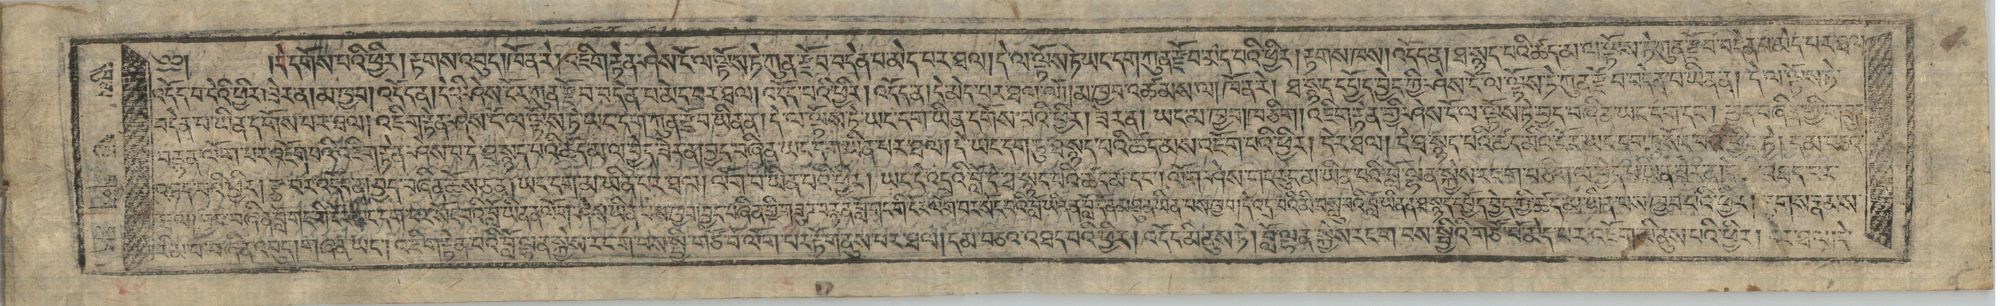༄༅། །དགོས་པའི་ཕྱིར། རྟགས་འབུད། ཁོ་ན་རེ། འཇིག་རྟེན་ཤེས་ངོ་ལ་ལྟོས་ཏེ་ཀུན་རྫོབ་བདེན་པ་མེད་པར་ཐལ། དེ་ལ་ལྟོས་ཏེ་ཡང་དག་ཀུན་རྫོབ་མེད་པའི་ཕྱིར། རྟགས་ཁས། འདོད་ན། ཐ་སྙད་པའི་ཚད་མ་ལ་ལྟོས་ཏེ་ཀུན་རྫོབ་བདེན་པ་མེད་པར་ཐལ་
འདོད་པ་དེའི་ཕྱིར། ཟེར་ན། མ་ཁྱབ། འདོད་ན། དེའི་ཤེས་ངོར་ཀུན་རྫོབ་བདེན་པ་མེད་པར་ཐལ། འདོད་པའི་ཕྱིར། འདོད་ན། དེ་མེད་པར་ཐལ་ལོ། །མ་ཁྱབ་འཚམས་ལ། ཁོ་ན་རེ། ཐ་སྙད་དཔྱོད་བྱེད་ཀྱི་ཤེས་ངོ་ལ་ལྟོས་ཏེ་ཀུན་རྫོབ་བདེན་པ་ཡིན་ན། དེ་ལ་ལྟོས་ཏེ་
བདེན་པ་ཡིན་དགོས་པར་ཐལ། འཇིག་རྟེན་ཤེས་ངོ་ལ་ལྟོས་ཏེ་ཡང་དག་ཀུན་རྫོབ་ཡིན་ན། དེ་ལ་ལྟོས་ཏེ་ཡང་དག་ཡིན་དགོས་པའི་ཕྱིར། ཟེར་ན། ཡང་མ་ཁྱབ། ཁ་ཅིག ། འཇིག་རྟེན་གྱི་ཤེས་ངོ་ལ་ལྟོས་ཏེ་བྱད་བཞིན་ཡང་དག་དང་། བྱད་བཞིན་གྱི་གཟུཌ་
བརྙན་ལོག་པར་འཇོག་པའི་འཇིག་རྟེན་ཤེས་པ་དེ་ཐ་སྙད་པའི་ཚད་མ་ལ་བྱེད་ཟེར་ན། བྱད་བཞིན་ཡང་དག་ཡིན་པར་ཐལ། དེ་ཡང་དག་ཏུ་ཐ་སྙད་པའི་ཚད་མས་འཇོག་པའི་ཕྱིར། དེར་ཐལ། དེ་ཐ་སྙད་པའི་ཚད་མའི་ངོར་ཡང་དག་ཏུ་སོང་བའི་ཕྱིར་ཏེ། དམ་བཅའ་
འཐད་པའི་ཕྱིར། རྩ་བར་འདོད་ན། བྱད་བཞིན་ཆོས་ཅན། ཡང་དག་མ་ཡིན་པར་ཐལ། ལོག་པ་ཡིན་པའི་ཕྱིར། ཡང་དེ་འདྲའི་བློ་དེ་ཐ་སྙད་པའི་ཚད་མ་དང་། ལོག་ཤེས་གང་རུང་མ་ཡིན་པའི་བློ་ལྷན་སྐྱེས་རང་ག་བ་ཅིག་ལ་བྱེད་པ་ཡིན་ཟེར་ན། དེ་མི་འཐད་པར་
ཐལ། བྱད་བཞིན་བློ་གང་གི་ངོར་ཡང་དག་པར་སོང་བའི་བློ་ཡིན་ན་ལོག་ཤེས་ཡིན་པས་ཁྱབ། བྱང་བཞིན་གྱི་གཟུཌ་བརྙན་བློ་གང་གི་ངོར་ལོག་པར་སོང་བའི་བློ་ཡིན་ན་བློ་དོན་མཐུན་ཡིན་པས་ཁྱབ། དེ་འདྲ་བའི་མི་བསླུ་བའི་བློ་ཡིན་ན་ཐ་སྙད་དཔྱོད་བྱེད་ཀྱི་ཚད་མ་ཡིན་པས་ཁྱབ་པའི་ཕྱིར། རྟགས་རྣམས་
རིམ་པ་བཞིན་འབུད། གཞན་ཡང་། འཇིག་རྟེན་པའི་བློ་ལྷན་སྐྱེས་རང་ག་བས་སྤྱི་གཙོ་བོ་ལོག་པར་རྟོག་ནུས་པར་ཐལ། དམ་བཅའ་འཐད་པའི་ཕྱིར། འདོད་མི་ནུས་ཏེ། བློ་ལྟནྶྐྱེས་རང་ག་བས་སྤྱིའི་གཙོ་བོ་མེད་པར་འཇོག་མི་ནུས་པའི་ཕྱིར། དེར་ཐལ། དེ་